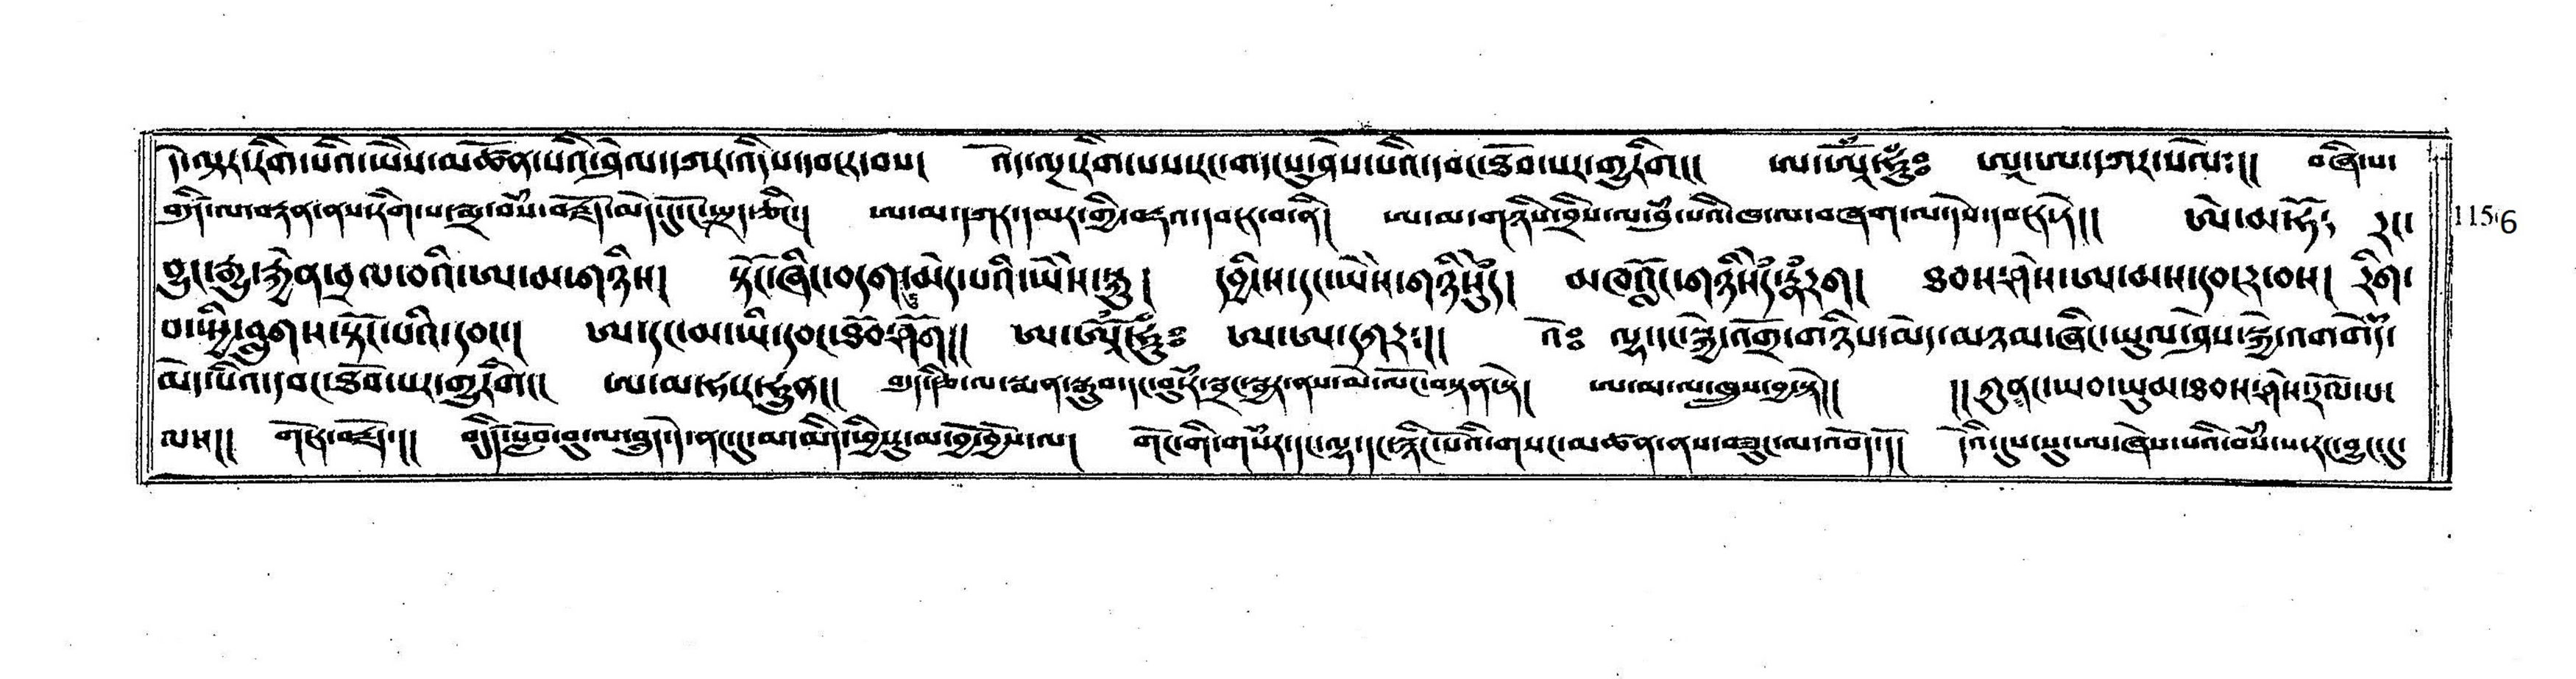དེ་ལྟར་རིག་པའི་ཡེ་ཤེས་མཚོན་པའི་ཤེལ་དཀར་འདིས་དབང་བསྐུར་བས། འོད་ལྔ་རིག་པས་རང་གདངས་སུ་ཤེས་པའི་དབང་ཐོབ་པར་གྱུར་ཅིག །། ཨ་ཨཱོཾ་ཧཱུྃཿ ཨཱ་ཨ་དཀར་སལེ༴།། བཞི་པ་
བདུད་རྩི་ལ་བརྟེན་ནས་རིག་པ་སྨྲ་བསམ་བརྗོད་མེད་དུ་ངོ་སྤྲད་ཅིང་། ཨ་མ་དཀར་དམར་གྱི་བརྡའ་དབང་བསྐུར་བ་ནི། ཨ་མ་གཉིས་བྲིས་ལ་བུམ་པའི་ཁ་ལ་བཞག་ལ་དཔེ་དབང་བསྐུར་ཏེ།། ཨེ་མ་ཧོ རང་
བྱུང་རྒྱུ་རྐྱེན་བྲལ་བའི་ཨ་མ་གཉིས། སྟོང་ཞིང་བདག་ཏུ་མེད་པའི་ཡེ་ཤེས་སྐུ། དབྱིངས་དང་ཡེ་ཤེས་གཉིས་སུ་མེད། མཁའ་ཀློང་གཉིས་མེད་རྣམ་པར་དག ཐབས་ཤེས་ཨ་མས་དབང་བསྐུར་བས། རིག་
པ་སྤྱི་བླུགས་སྟོང་པའི་དབང་། ཨ་དང་མ་ཡི་དབང་ཐོབ་ཤོག ཨ་ཨཱོཾ་ཧཱུྃཿ ཨ་ཨ་དཀར༴།། འོཿ ལྷ་དང་སྐྱེ་འགྲོ་གཉིས་མེད་མཉམ་ཞིང་ཡུལ་ཤེས་སྐྱེ་འགག་
མེད་པའི་དབང་ཐོབ་པར་གྱུར་ཅིག ཨ་མ་ཧ་ར་ཧྲུན།། བདུད་རྩི་ལ་སྨན་སྒྲུབ་དང་བུ་རཾ་སྦྲང་སྦྱར་ནས་མེ་ལོང་བསྟན་སྟེ། ཨ་མ་ལ་ཁྲུས་བྱ་སྟེ།། །།ཀུན་བཟང་ཡབ་ཡུམ་ཐབས་ཤེས་རོལ་པ་
ལས།། གོང་ལྟར་བརྗོད།། བདུད་རྩི་སློབ་བུ་ལ་བླུད་དེ་ནང་དུ་མ་མིད་ཕྱི་རུ་མ་བྱོ་བྱོས་ལ། གོང་གི་གསས་མཁར་དང་ལྷ་དང་སྙིང་པོའི་གསང་མཚན་ནས་བཟུང་ལ་འབོད་དོ། དེའི་དུས་སུ་ཨ་ཞེས་པའི་བསམ་པ་རང་བྱུང་དུ་